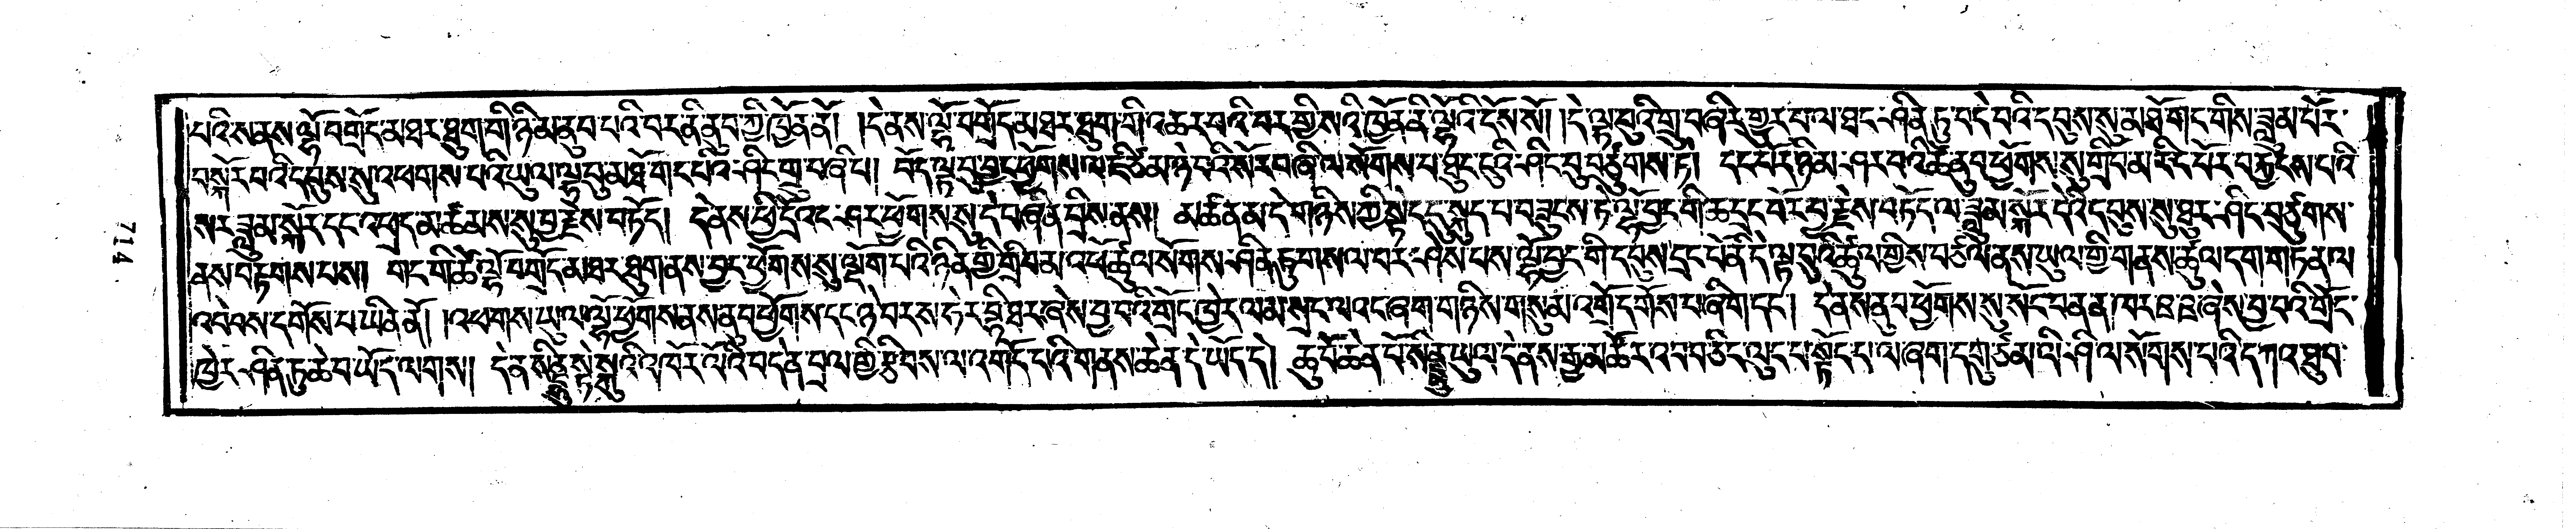པའི་ས་ནས་ལྷོ་བགྲོད་མཐར་ཐུག་གི་ཉི་མ་ནུབ་པའི་བར་ནི་ནུབ་ཀྱི་ཁྱོན་ནོ། །དེ་ནས་ལྷོ་བགྲོད་མཐར་ཐུག་གི་འཆར་བའི་བར་གྱི་སའི་ཁྱོན་ནི་ལྷོའི་དོས་སོ། །དེ་ལྟ་བུའི་གྲུ་བཞིར་གྱུར་པ་ལ་ཐང་ཤིན་ཏུ་བདེ་བའི་དབུས་སུ་མཐོ་གང་གིས་ཟླུམ་པོར་
བསྐོར་བའི་དབུས་སུ་འཕགས་པའི་ཡུལ་ལྷ་བུ་མཐོ་གང་བའི་ཤིང་གྲུ་བཞི་པ། བོད་ལྟ་བུ་བྱང་ཕྱོགས་ལ་ཇི་ཙམ་ཉེ་བའི་སོར་བཞི་ལ་སོགས་པ་ཐུང་ངུའི་ཤིང་བུ་བཙུགས་ཏེ། དང་པོར་ཉི་མ་ཤར་པའི་ཆོ་ནུབ་ཕྱོགས་སུ་གྲོ་བ་མ་རིང་པོར་བརྐྱངས་པའི་
སར་ཟླུམ་སྐོར་དང་འཕྲད་མཚམས་སུ་བྱ་རྗེས་བཏོད། དེ་ནས་ཕྱི་དྲོའང་ཤར་ཕྱོགས་སུ་དེ་བཞིན་བྲིས་ནས། མཚན་མ་དེ་གཉིས་ཀྱི་སྟེང་དུ་སྐུད་པ་བཟུངས་ཏེ་ལྷོ་བྱང་གི་ཆ་དྲང་བོར་བྱ་རྗེས་བཏོད་ལ་ཟླུམ་སྐོར་དེའི་དབུས་སུ་ཐུར་ཤིང་བཙུགས་
ནས་བརྟགས་པས། གང་གི་ཚེ་ལྷོ་བགྲོད་མཐར་ཐུག་ནས་བྱང་ཕྱོགས་སུ་ལྡོག་པའི་ཉིན་གྱི་གྲིབ་མ་འཕོ་ཚུལ་སོགས་ཤིན་ཏུ་གསལ་བར་ཤེས་པས་ལྷོ་བྱང་གི་དབུས་དྲང་པོ་ནི་དེ་ལྟ་བུའི་ཚུལ་གྱིས་བཙལ་ནས་ཡུལ་གྱི་གནས་ཚུལ་དག་གཏན་ལ་
འབེབས་དགོས་པ་ཡིན་ནོ། །འཕགས་ཡུལ་ལྷོ་ཕྱོགས་ནས་ནུབ་ཕྱོགས་དང་ཉེ་བར་ས་ཧེར་བྷི་ཐར་ཞེས་བྱ་བའི་གྲོང་ཁྱེར་ལམ་སྲང་ལའང་ཞག་གཉིས་གསུམ་འགྲོ་དགོས་པ་ཞིག་དང་། དེ་ནས་ནུབ་ཕྱོགས་སུ་སོང་བ་ན་ན་ཁར་ཊཿཨ་ཊཿཨ་ཞེས་བྱ་བའི་གྲོང་
ཁྱེར་ཤིན་ཏུ་ཆེ་བ་ཡོད་ལགས། དེ་ན་སིནྡྷུ་སྟེ་སྐུའི་འཁོར་ལོའི་བདེན་བྲལ་གྱི་རྩིབས་ལ་འགོད་པའི་གནས་ཆེན་དེ་ཡོད་དེ། ཆུ་བོ་ཆེན་པོ་སིནྡྷུ་ཡུལ་དེ་ནས་རྒྱ་མཚོར་འབབ་ཅིང་ལུང་པ་སྟོང་པ་ལ་ཞག་དགུ་ཙམ་ལི་ཤི་ལ་སོགས་པའི་དཀའ་ཐུབ་